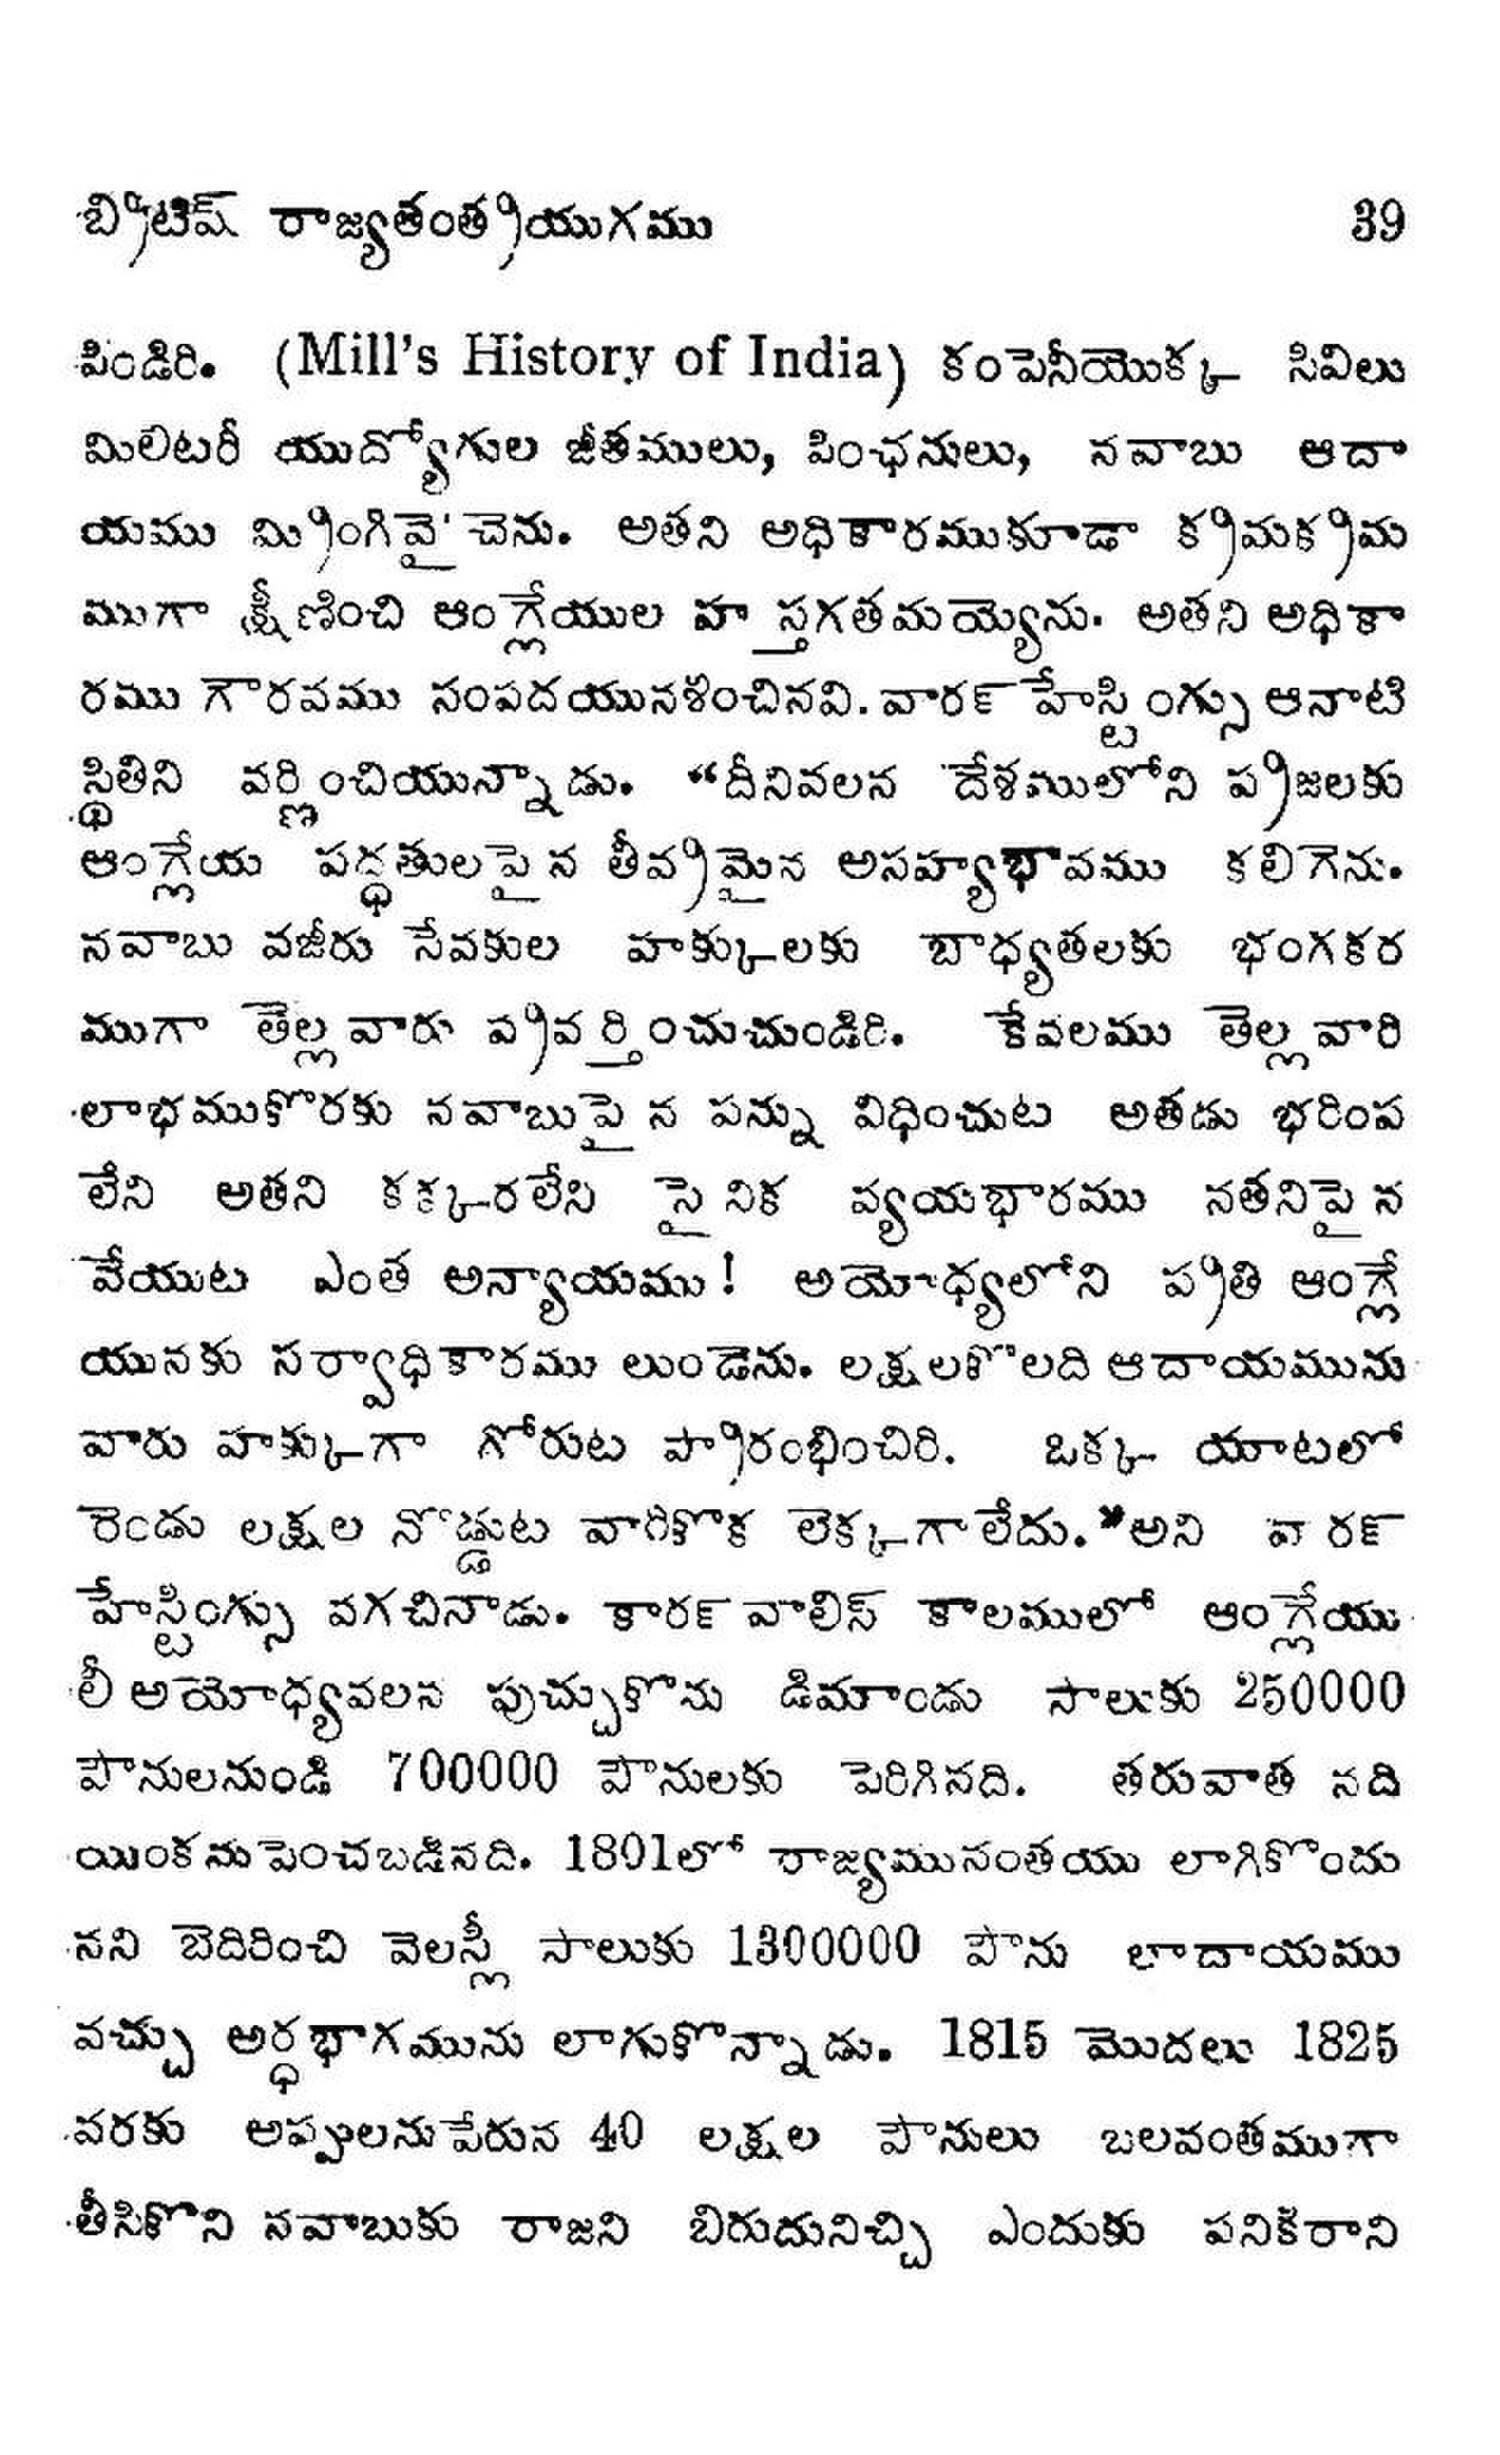పిండిరి. (Mill's History of India) కంపెనీయొక్క సివిలు మిలిటరీ యుద్యోగుల జీతములు, పింఛనులు, నవాబు ఆదాయము మ్రింగివై'చెను. అతని అధికారముకూడా క్రమక్రమముగా క్షీణించి ఆంగ్లేయుల హస్తగతమయ్యెను. అతని అధికారము గౌరవము సంపదయునశించినవి. వార౯ హేస్టింగ్సు ఆనాటి స్థితిని వర్ణించియున్నాడు. “దీనివలన దేశములోని ప్రజలకు ఆంగ్లేయ పద్దతులపైన తీవ్రమైన అసహ్యభావము కలిగెను. నవాబు వజీరు సేవకుల హక్కులకు బాధ్యతలకు భంగకరముగా తెల్లవారు ప్రవర్తించుచుండిరి. కేవలము తెల్లవారి లాభముకొరకు నవాబుపైన పన్ను విధించుట అతడు భరింపలేని అతని కక్కరలేని సైనిక వ్యయభారము నతనిపైన వేయుట ఎంత అన్యాయము ! అయోధ్యలోని ప్రతి ఆంగ్లేయునకు సర్వాధికారము లుండెను. లక్షలకొలది ఆదాయమును వారు హక్కుగా గోరుట ప్రారంభించిరి. ఒక్క యాటలో రెండు లక్షల నొడ్డుట వారికొక లెక్కగా లేదు." అని వార౯ హేస్టింగ్సు వగచినాడు. కార౯ వాలిస్ కాలములో ఆంగ్లేయు లీ అయోధ్యవలన పుచ్చుకొను డిమాండు సాలుకు 250000 పౌనులనుండి 700000 పౌనులకు పెరిగినది. తరువాత నది యింకను పెంచబడినది. 1801లో రాజ్యమునంతయు లాగికొందునని బెదిరించి వెలస్లీ సాలుకు 1300000 పౌను లాదాయము వచ్చు అర్ధ భాగమును లాగుకొన్నాడు. 1815 మొదలు 1825 వరకు అప్పులను పేరున 40 లక్షల పౌనులు బలవంతముగా తీసికొని నవాబుకు రాజని బిరుదునిచ్చి ఎందుకు పనికిరాని